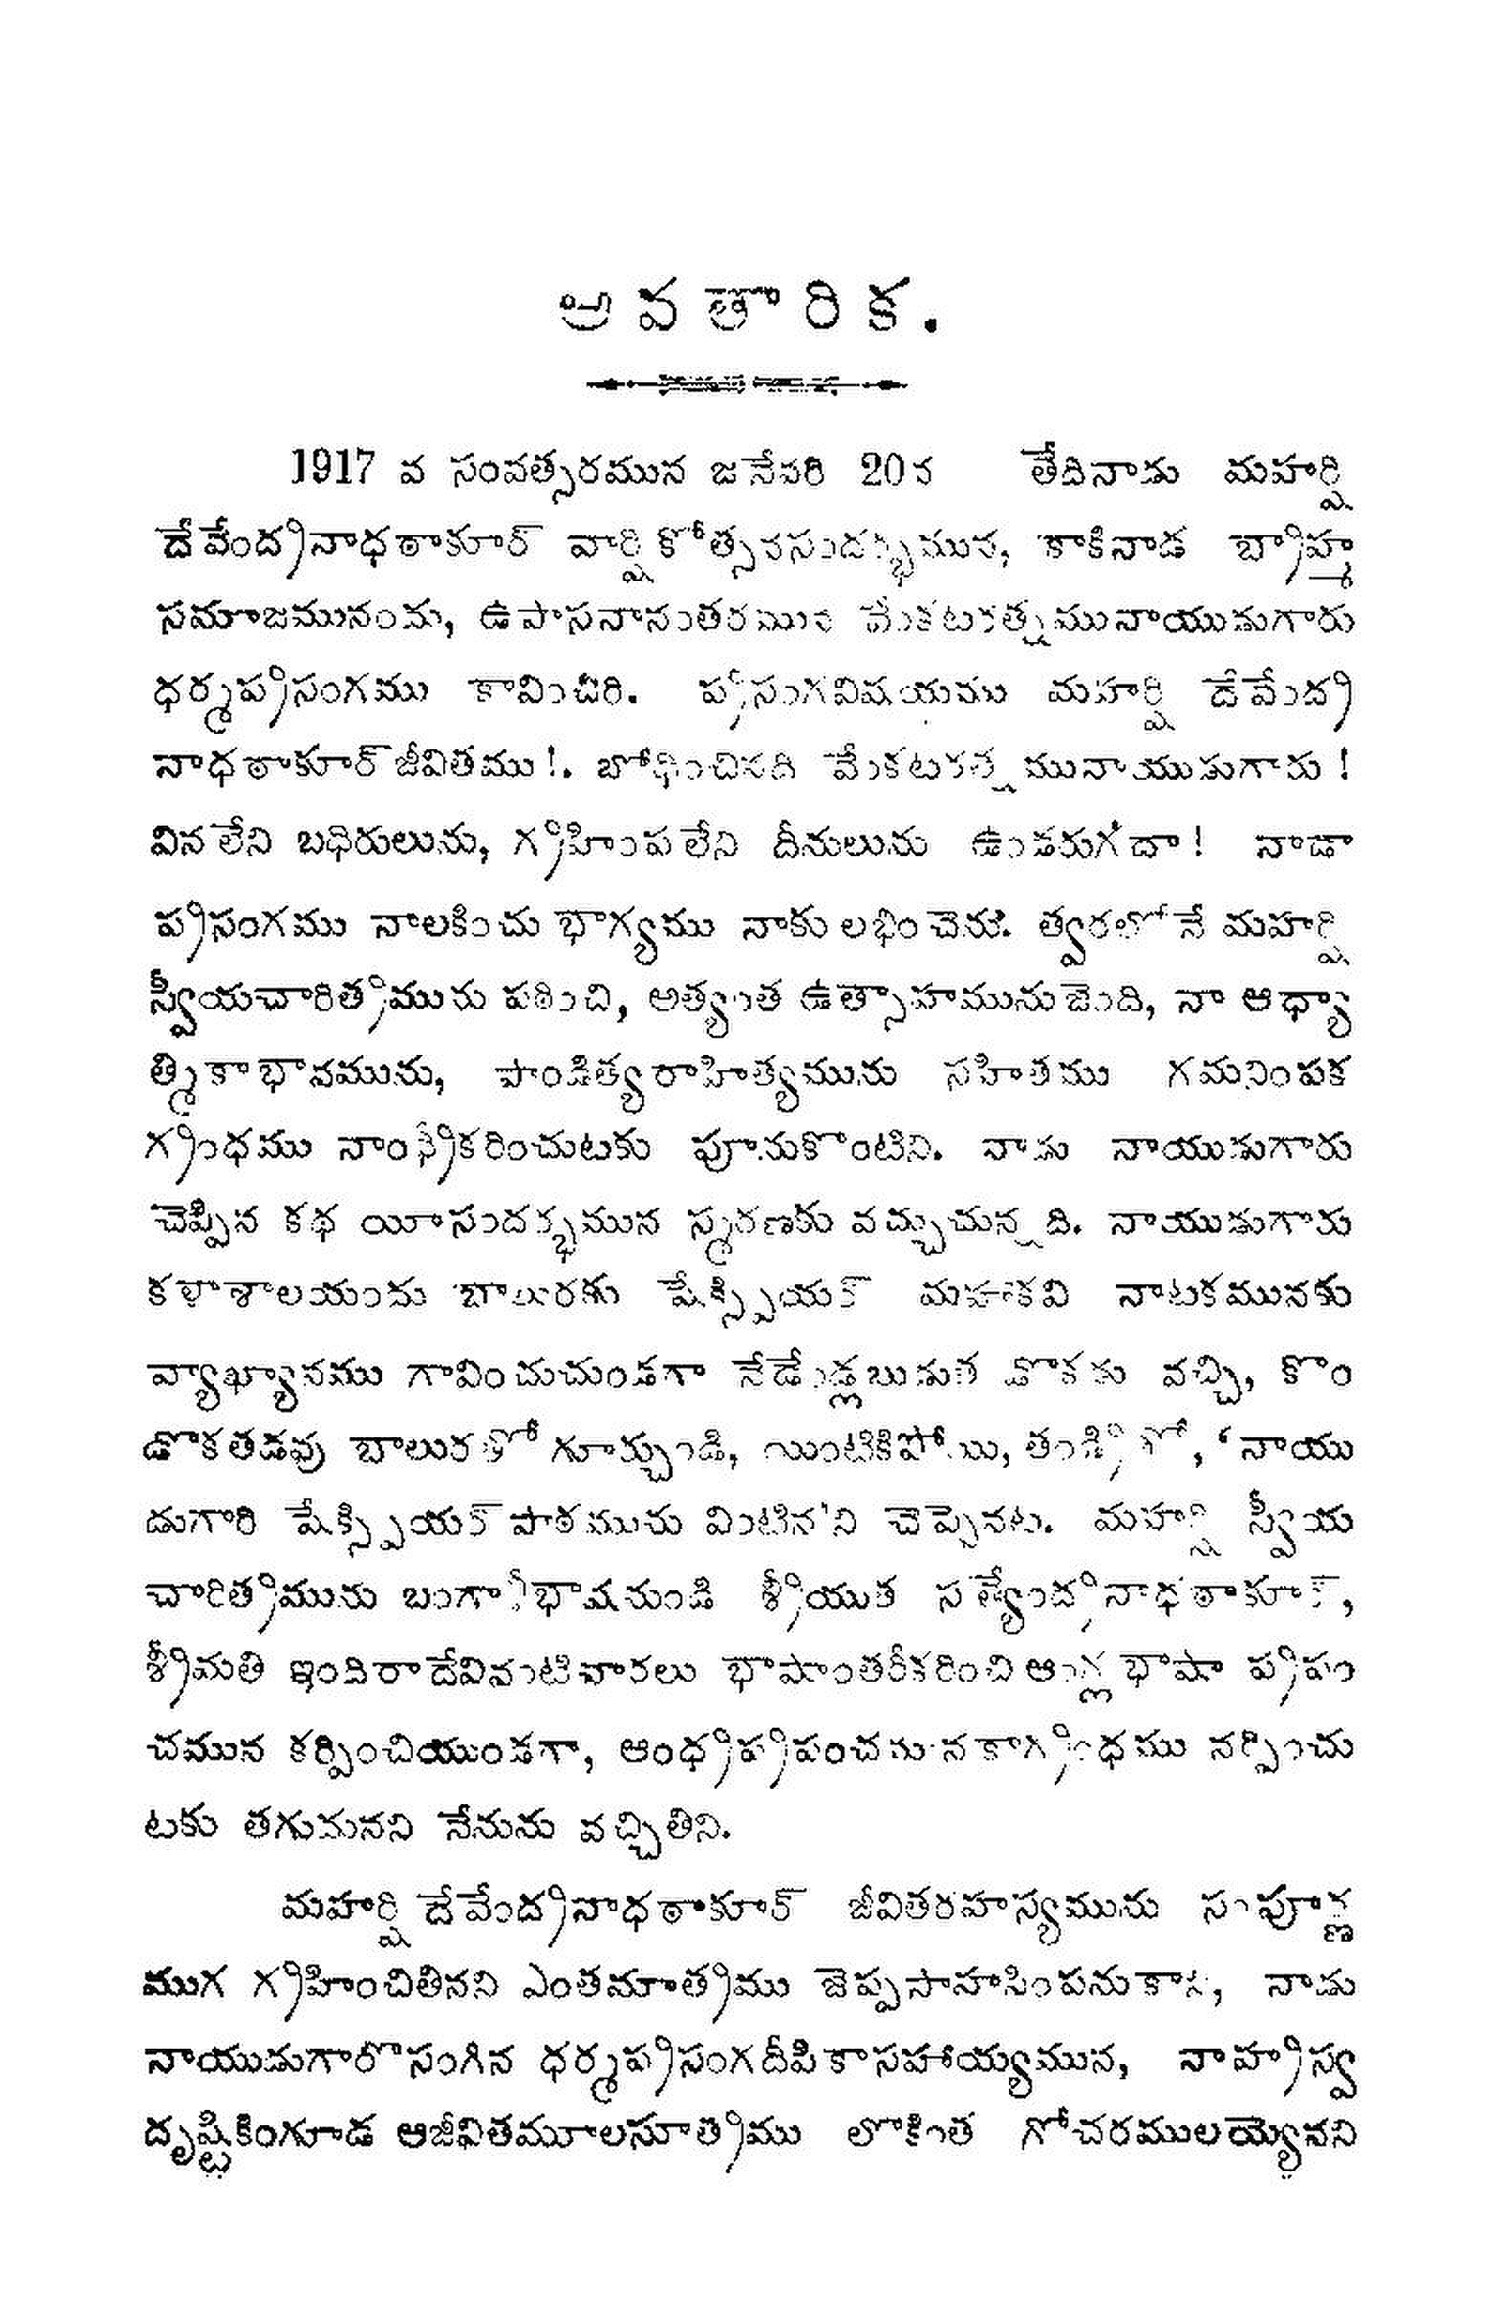అవతారిక.

1917 వ సంవత్సరమున జనేవరి 20వ తేదీనాడు మహర్షి దేవేంద్రనాధ ఠాకూర్ వార్షికోత్సవ సందర్భమున, కాకినాడ బ్రాహ్మ సమాజమునందు, ఉపాసనానంతరమున వేంకటరత్నమునాయుడు గారు ధర్మ ప్రసంగము కావించిరి. ప్రసంగవిషయము మహర్షి దేవేంద్రనాధ ఠాకూర్ జీవితము!. బోధించినది వేంకటకత్నము నాయుడుగారు! వినలేని బధిరులును, గ్రహింపలేని దీనులును ఉండరుగదా! నాడా ప్రసంగము నాలకించు భాగ్యము నాకు లభించెరు. త్వరలోనే మహర్షి స్వీయచారిత్రమును పఠించి, అత్యంత ఉత్సాహమును జెంది, నా ఆధ్యాత్మికా భావమును, పాండిత్యరాహిత్యమును సహితము గమనింపక గ్రంధము నాంధ్రీకరించుటకు పూనుకొంటిని. నాడు నాయుడుగారు చెప్పిన కథ యీ సందర్భమున స్మరణకు వచ్చుచున్నది. నాయుడుగారు కళాశాలయందు బాలురకు షేక్స్పియర్ మహాకవి నాటకమునకు వ్యాఖ్యానము గావించుచుండగా నేడేండ్లబుడుత డొకడు వచ్చి, కొండొక తడవు బాలురతో గూర్చుండి, యింటికిపోయి, తండ్రితో, నాయుడుగారి షేక్స్పియర్ పాఠమును వింటిన'ని చెప్పెను. మహర్షి స్వీయచారిత్రమును బంగాళీ భాషనుండి శ్రీయుత సత్యేందనాధ ఠాకూర్ , శ్రీమతి ఇందిరాదేవి వంటివారలు భాషాంతరీకరించి ఆంగ్లభాషా ప్రపంచమున కర్పించి యుండగా, ఆంధ్ర ప్రపంచమున కాగ్రంథము నర్పించుటకు తగుదునని నేనును వచ్చితిని.

మహర్షి దేవేంద్రనాధ రాకూర్ జీవిత రహస్యమును సంపూర్ణముగ గ్రహించితినని ఎంతమాత్రము జెప్పసాహసింపనుకాని, నాడు నాయుడుగారొసంగిన ధర్మప్రసంగ దీపికాసహాయ్యమున, నాహ్రస్వదృష్టికింగూడ ఆజీవితమూలసూత్రము లొకింత గోచరములయ్యెనని